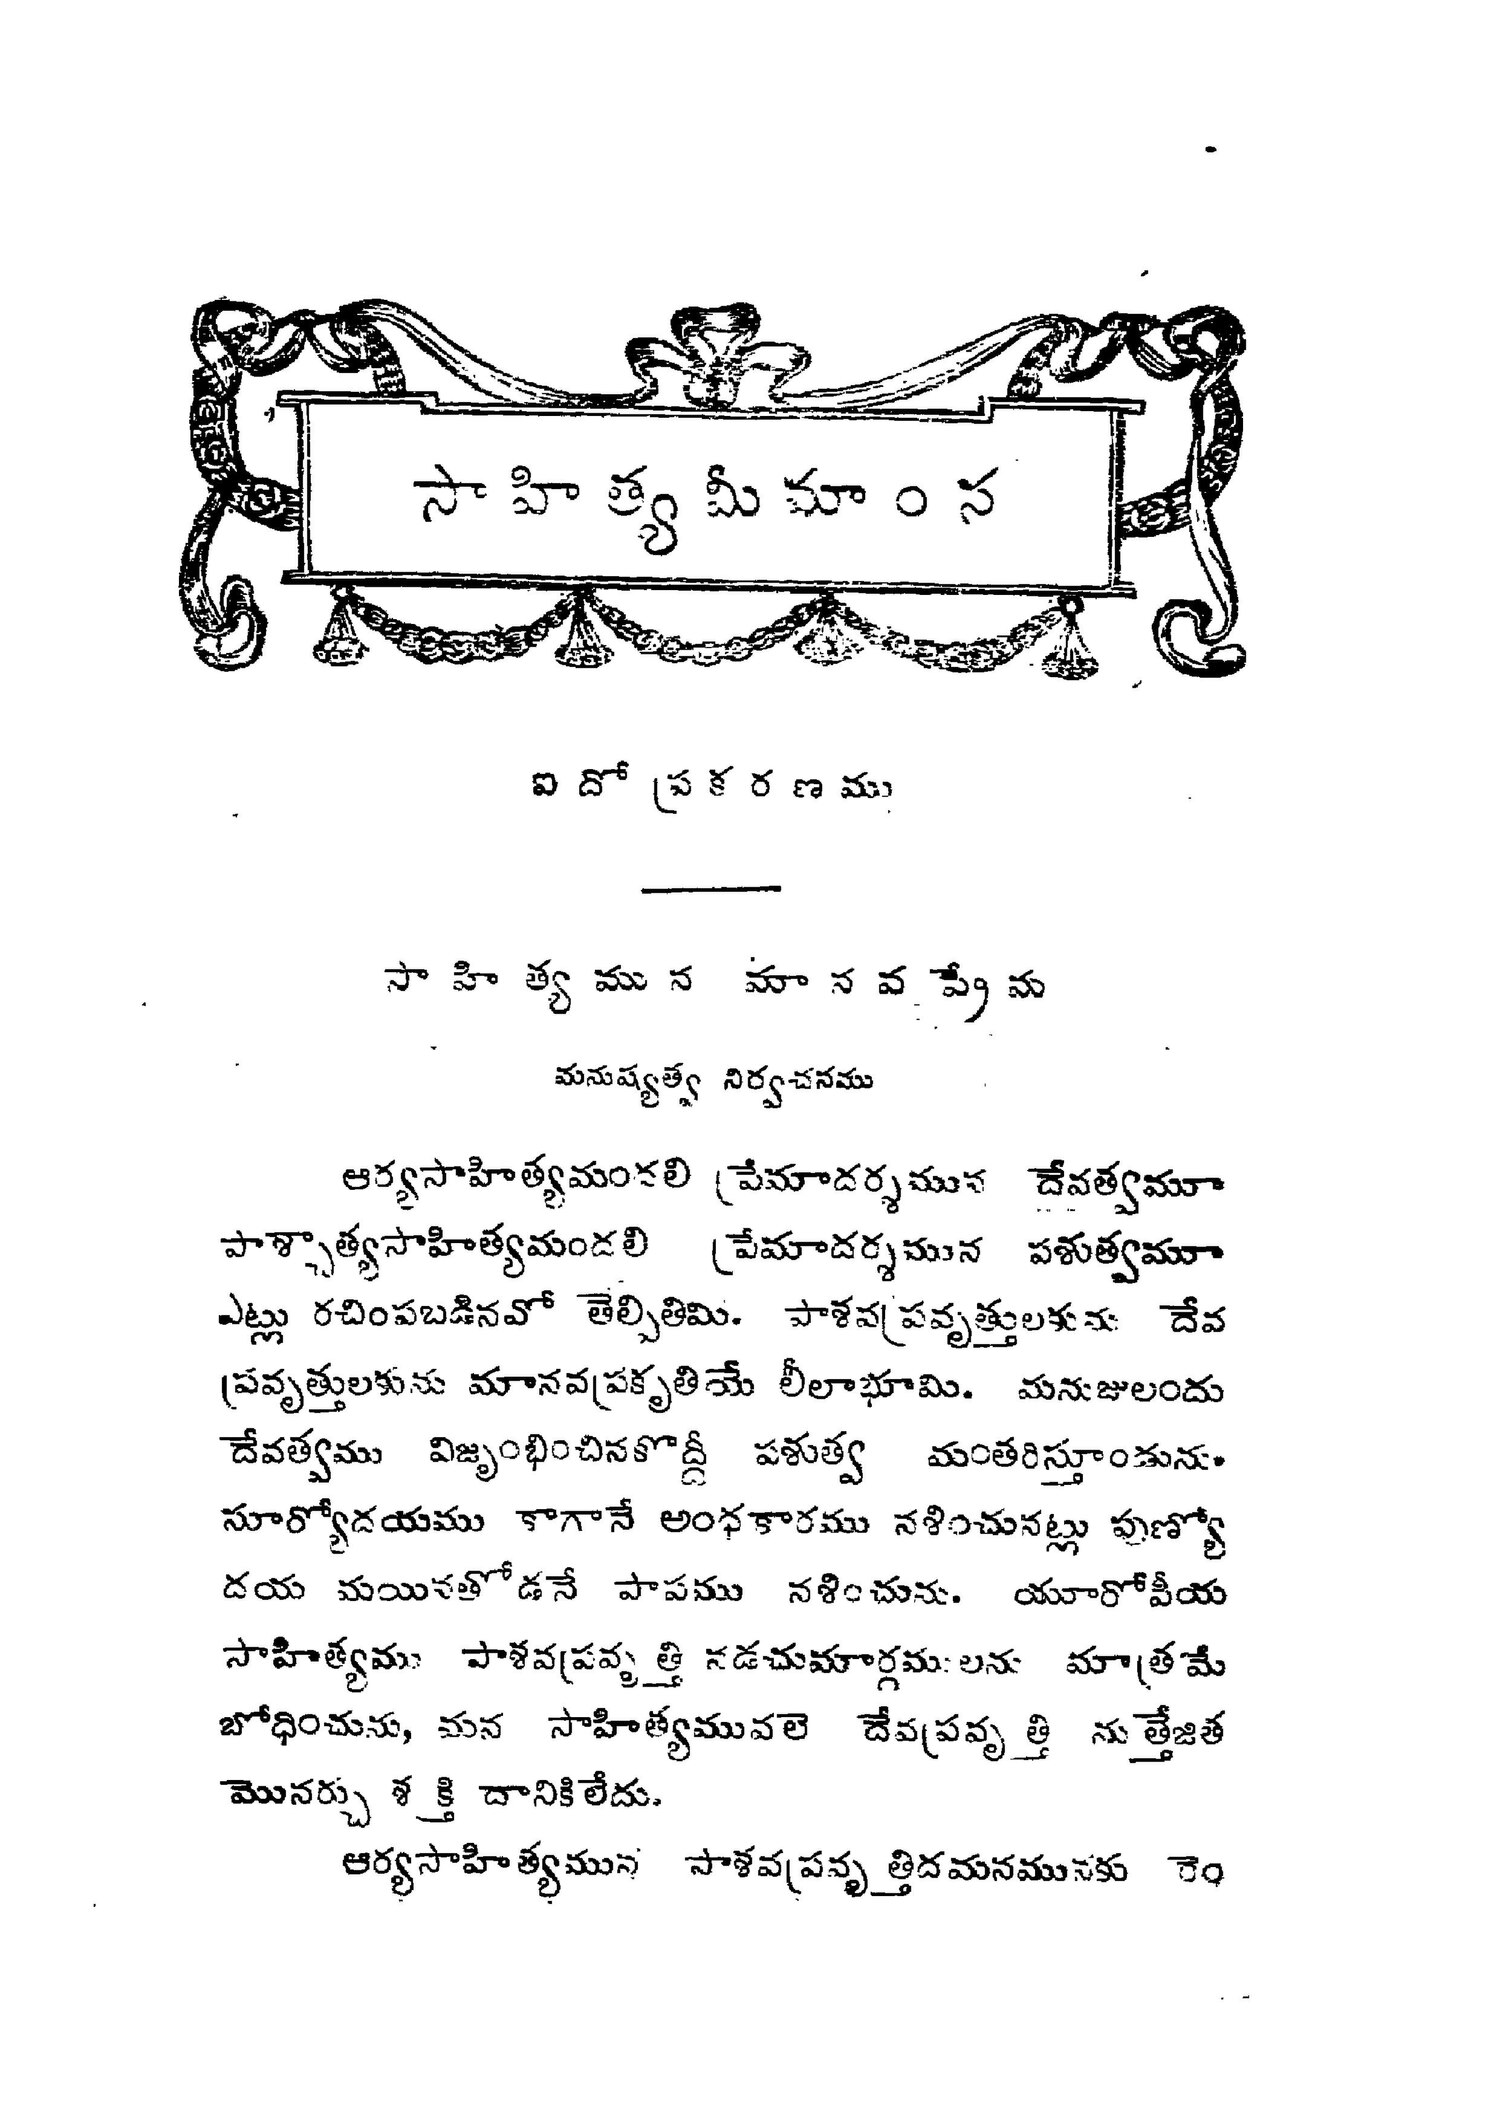ఆర్యసాహిత్యమందలి ప్రేమాదర్శమున దేవత్వమూ పాశ్చాత్యసాహిత్యమందలి ప్రేమాదర్శమున పశుత్వమూ ఎట్లు రచింపబడినవో తెల్పితిమి. పాశవప్రవృత్తులకును దేవ ప్రవృత్తులకును మానవప్రకృతియే లీలాభూమి. మనుజులందు దేవత్వము విజృంభించినకొద్దీ పశుత్వ మంతరిస్తూండును. సూర్యోదయము కాగానే అంధకారము నశించునట్లు పుణ్యోదయ మయినతోడనే పాపము నశించును. యూరోపీయ సాహిత్యము పాశవప్రవృత్తి నడచుమార్గములను మాత్రమే బోధించును, మన సాహిత్యమువలె దేవప్రవృత్తి నుత్తేజిత మొనర్చు శక్తి దానికిలేదు.

ఆర్యసాహిత్యమున పాశవప్రవృత్తిదమనమునకు రెం